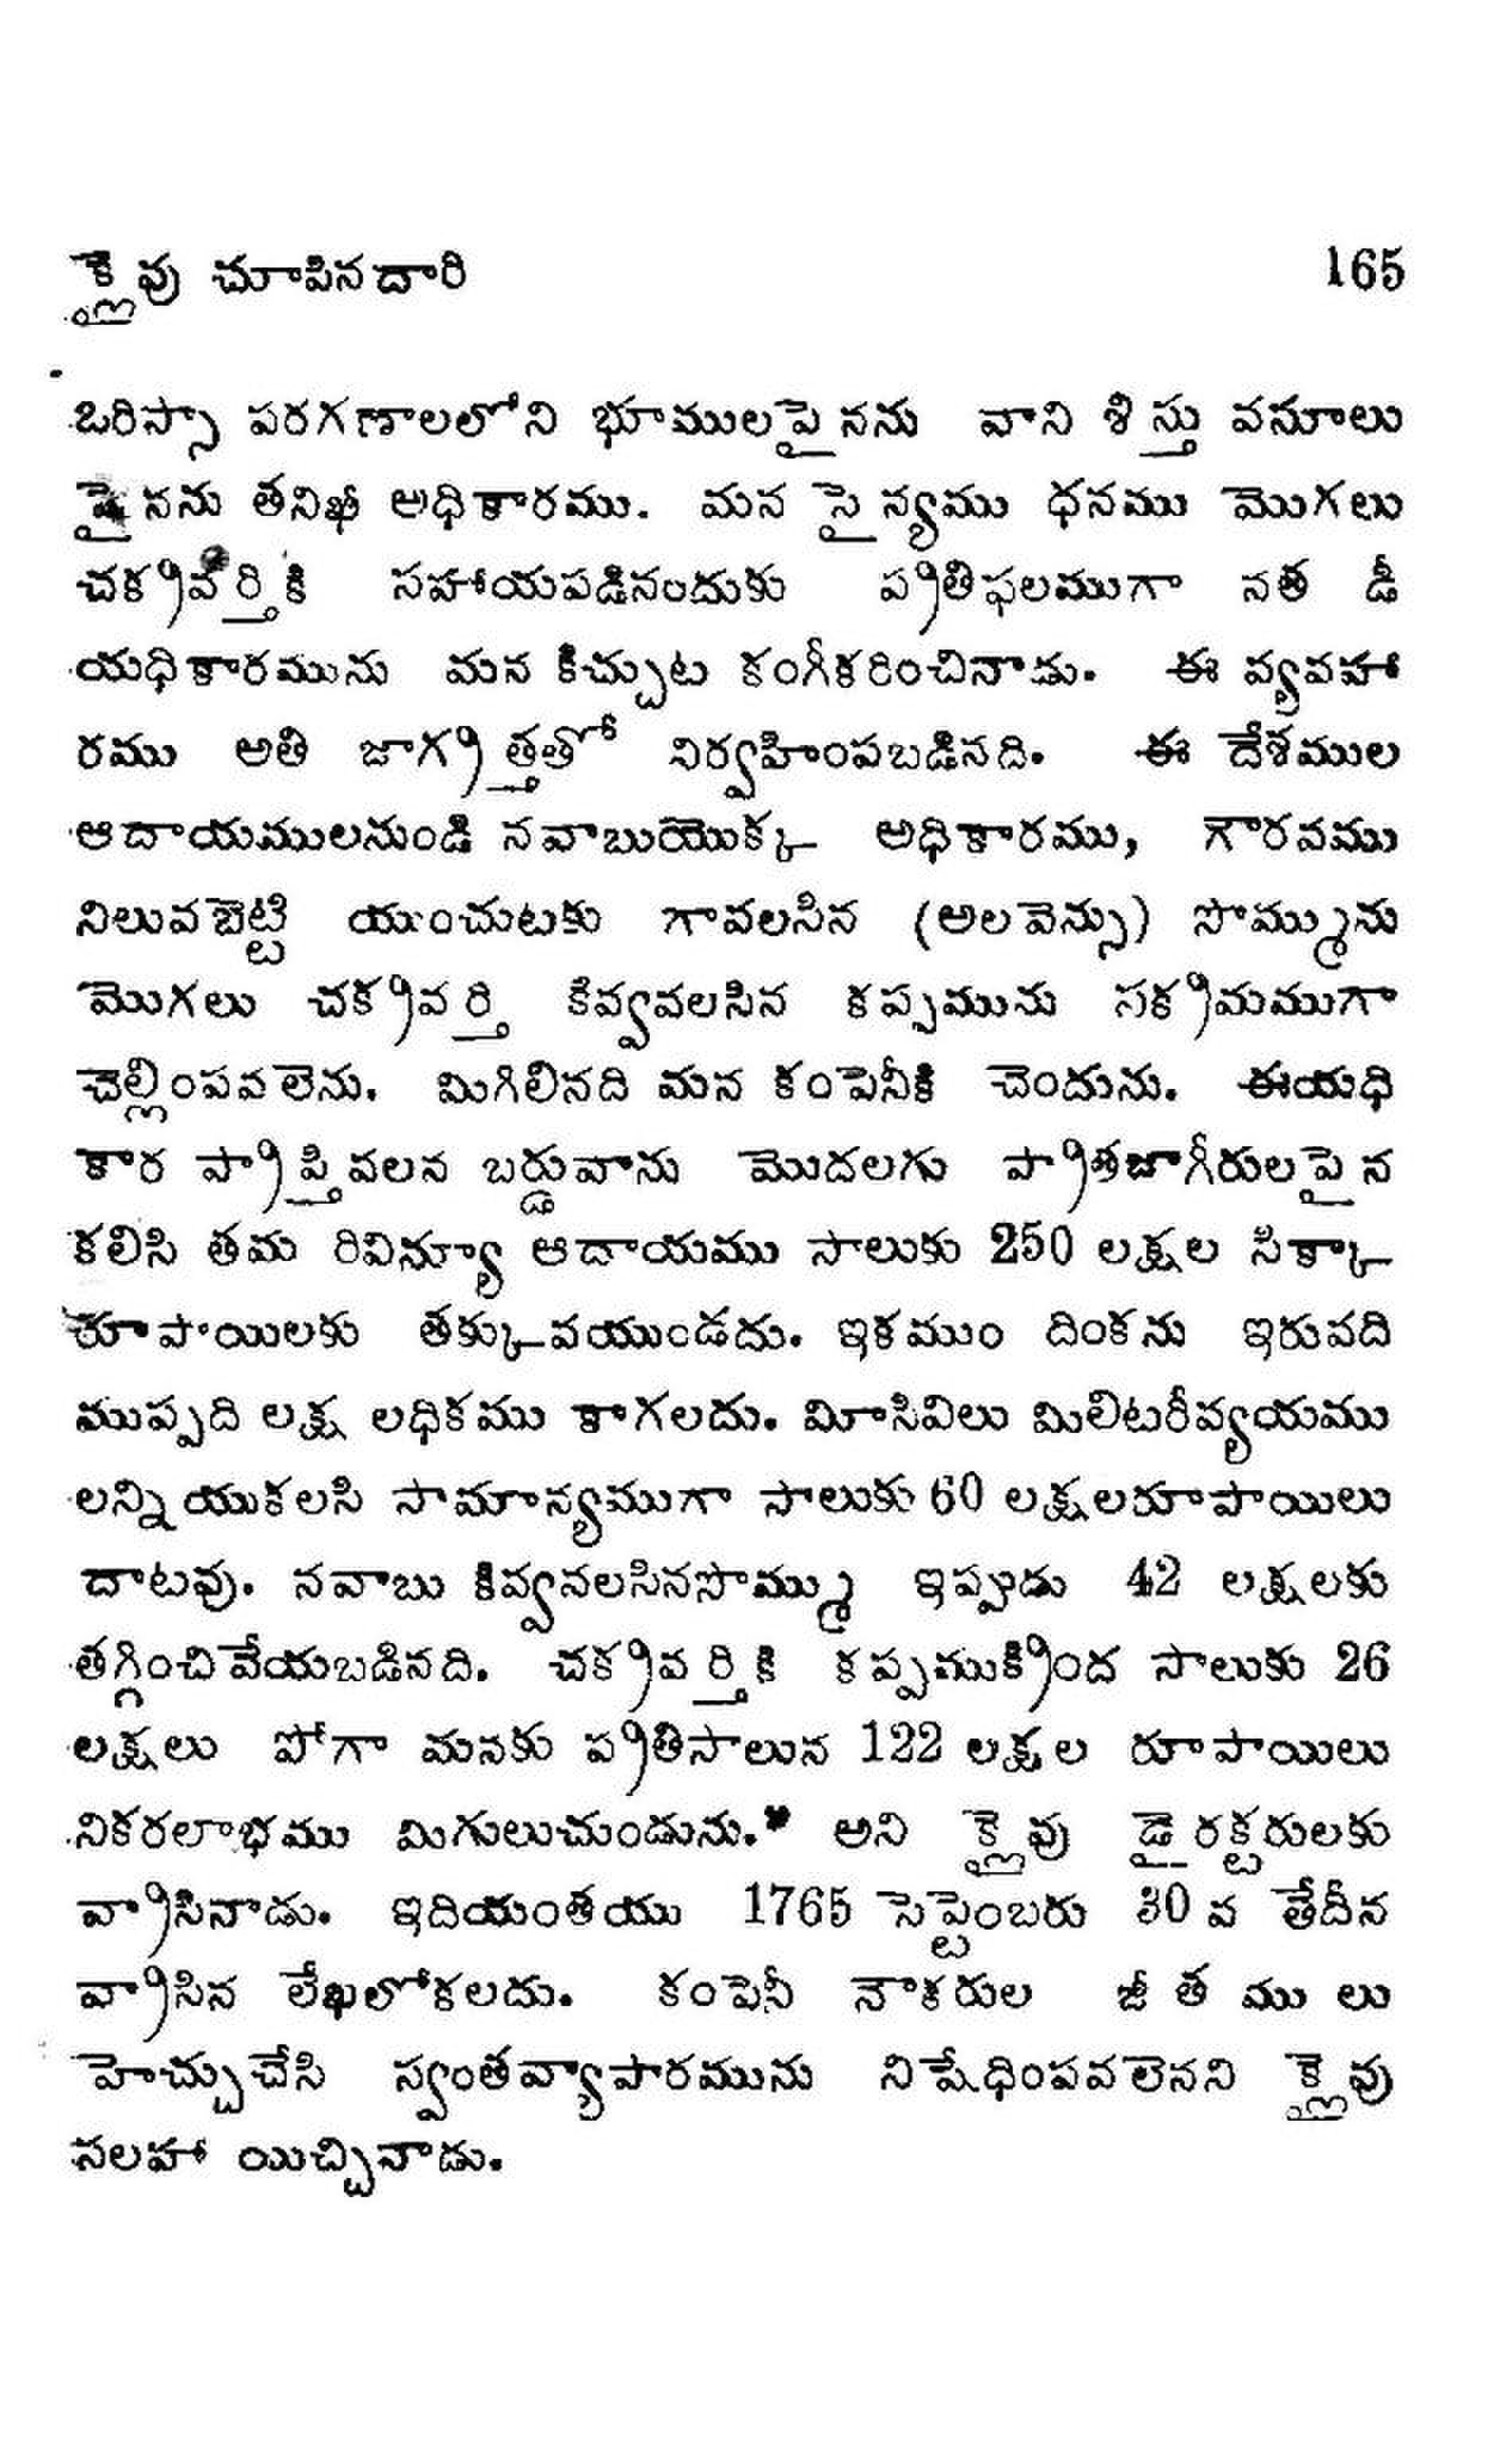ఒరిస్సా పరగణాలలోని భూములపైనను వాని శిస్తు వసూలు పైనను తనిఖీ అధికారము. మన సైన్యము ధనము మొగలు చక్రవర్తికి సహాయపడినందుకు ప్రతిఫలముగా నత డీ యధికారమును మన కిచ్చుట కంగీకరించినాడు. ఈ వ్యవహారము అతి జాగ్రత్తతో నిర్వహింపబడినది. ఈ దేశముల ఆదాయములనుండి నవాబుయొక్క అధికారము, గౌరవము నిలువబెట్టి యుంచుటకు గావలసిన (అలవెన్సు) సొమ్మును మొగలు చక్రవర్తి కివ్వవలసిన కప్పమును సక్రమముగా చెల్లింపవలెను. మిగిలినది మన కంపెనీకి చెందును. ఈయధికార ప్రాప్తివలన బర్డువాను మొదలగు ప్రాతజాగీరులపైన కలిసి తమ రివిన్యూ ఆదాయము సాలుకు 250 లక్షల సిక్కా రూపాయిలకు తక్కువయుండదు. ఇకముం దింకను ఇరువది ముప్పది లక్ష లధికము కాగలదు. మీసివిలు మిలిటరీ వ్యయము లన్నియుకలసి సామాన్యముగా సాలుకు 60 లక్షలరూపాయిలు దాటవు. నవాబు కివ్వవలసినసొమ్ము ఇప్పుడు 42 లక్షలకు తగ్గించివేయబడినది. చక్రవర్తికి కప్పముక్రింద సాలుకు 26 లక్షలు పోగా మనకు ప్రతిసాలున 122 లక్షల రూపాయిలు నికరలాభము మిగులుచుండును." అని క్లైవు డైరక్టరులకు వ్రాసినాడు. ఇదియంతయు 1765 సెప్టెంబరు 30వ తేదీన వ్రాసిన లేఖలోకలదు. కంపెనీ నౌకరుల జీతములు హెచ్చుచేసి స్వంతవ్యాపారమును నిషేధింపవలెనని క్లైవు సలహా యిచ్చినాడు.